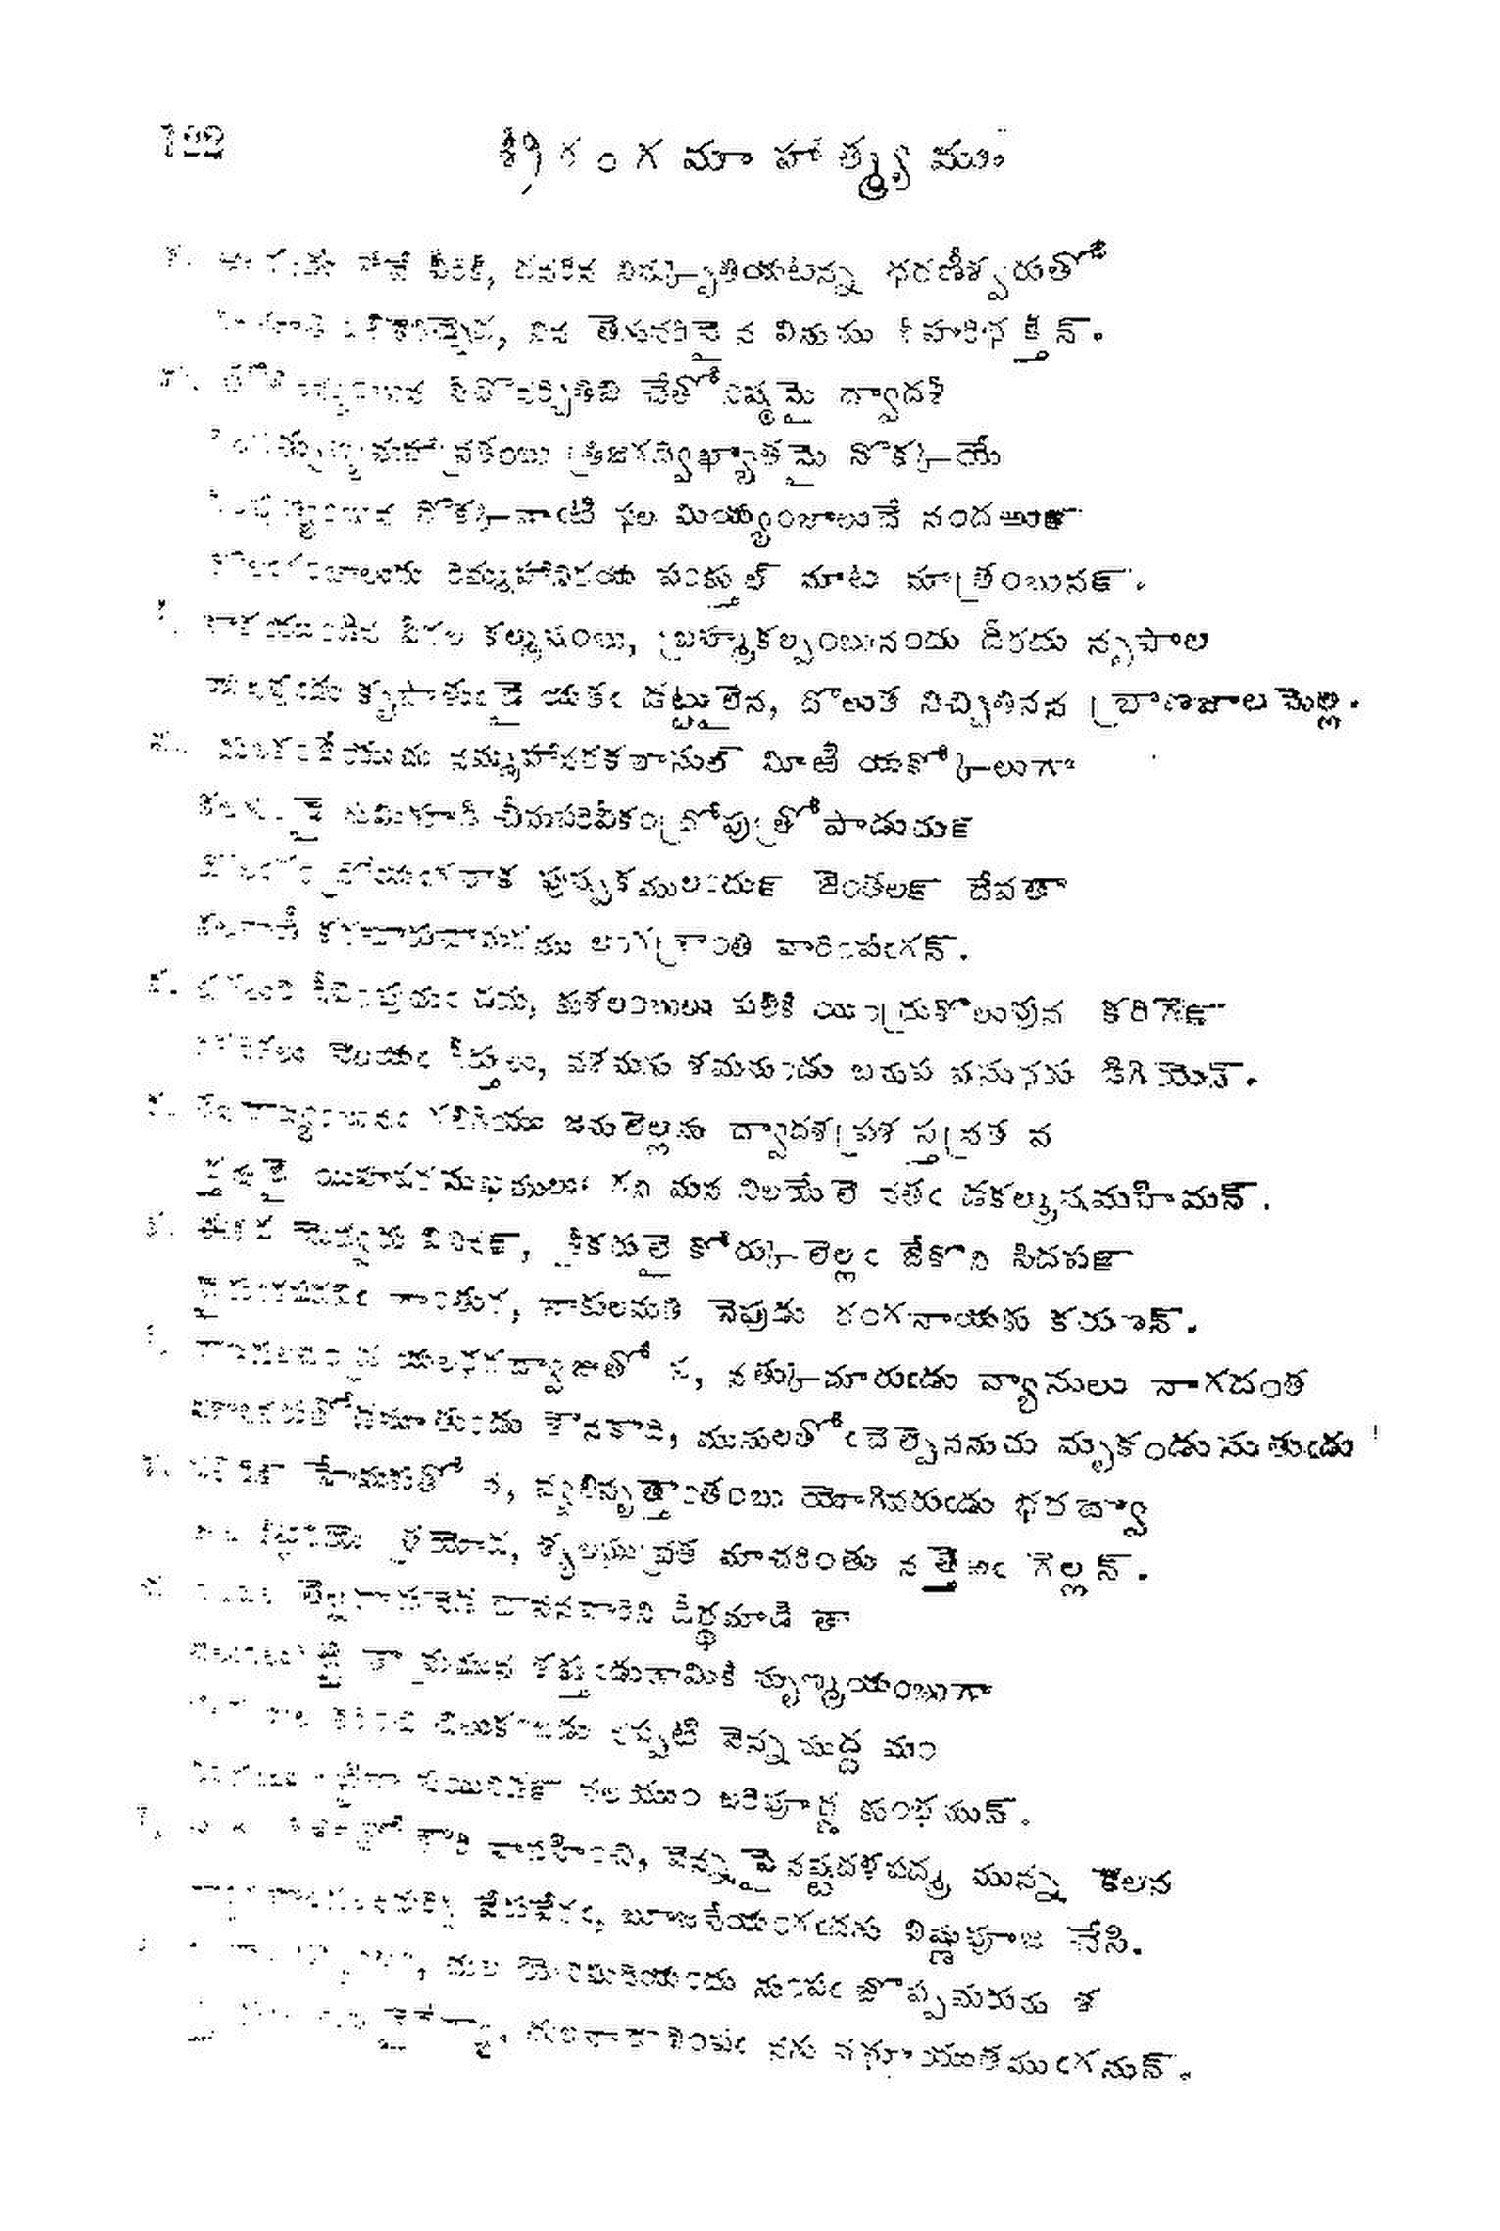క. అనవుడు లేవే వీరికి, దనరిన నిష్కృతియటన్న ధరణీశ్వరుతో
 నినసూతి బలికె నిచ్చెద, నని తెగువరివైన వినుము నీహరిభక్తిన్.
మ. తొలిజన్మంబున నీవొనర్చితివి చేతోనిష్ఠమై ద్వాదశీ
 విలసత్పుణ్యమహావ్రతంబు త్రిజగద్విఖ్యాతమై నొక్కయే
 డలపుణ్యంబున నొక్కనాఁటి ఫల మియ్యంజాలుదే నందఱున్
 దొలఁగంజాలుదు రిమ్మహానిరయ పంక్తుల్ మాట మాత్రంబునన్.
గీ. కాకయుండిన వీరల కల్మషంబు, బ్రహ్మకల్పంబునందు దీరదు నృపాల
 యనవుఁడు కృపాళుఁడై యతఁ డట్టులైన, దొలుక నిచ్చితినన బ్రాణజాల మెల్ల.
మ. చులకనఁ జేయుచు నమ్మహానరకరాసుల్ మీఱి యక్కోలుగా
 కలగుండై గుమిగూడి చీమపరివీకం ద్రోపుత్రోపాడుచున్
 దొలఁగం ద్రోయఁగరాక పుష్పకములందున్ జెంతలన్ దేవతా
 కలవాణీకరచారుచామరము లంగశ్రాంతి వారింపఁగన్.
క. కుశలుని దీవింపుచుఁ దమ, కుశలంబులు పలికి యింద్రుకొలువున కరిగెన్
 దశదిశల వెలయఁ గీర్తులు, వశ మగు శమనుండు బనుప వసుధకు డిగియెన్.
క. తనరాజ్యంబునఁ గలిగియు, జను లెల్లను ద్వాదశప్రశస్తవ్రతవ
 ర్తనులై యిహపరసుఖములుఁ గని, మన నిలయేలె నతఁ డకల్మషమహిమన్.
క. ఈకథ యెవ్వరు వినినన్, శ్రీకరులై కోర్కులెల్లఁ జేకొని పిదపన్
 వైకుంఠపదవిఁ గాంతురు, నాకులమతి నెపుడు రంగనాయకు కరుణన్.
గీ. రాజకులచంద్ర యల భరద్వాజుతో స, నత్కుమారుఁడు వ్యాసులు నాగదంత
 మౌనివరుతోడ సూతుఁడు శౌనకాది, మునులతోఁ దెల్పెననుచు మృకండుసుతుఁడు.
క. పలికెన్ హేమకుతో న, వ్వలివృత్తాంతంబు యోగివరుఁడు భరద్వా
 జుల కిట్లనియె త్రయోద, శ్యలఘువ్రత మాచరింతు నత్తెఱఁ గెల్లన్.
చ. బలబల తెల్లవారునెడ బావనవారిని దీర్థమాడి తా
 చలువలు గట్టు తామ్రమున శక్తుఁడు గామికి మృణ్మయంబుగా
 కలశ మలంకరించి చిలుకంబడు నప్పటి వెన్నముద్ద మం
 డలములు గట్టు నాపయి నిడన్ వలయుం బరిపూర్ణకుంభమున్.
గీ. అందు శ్రీదేవితో శౌరి నావహించి, వెన్నపై నష్టదళపద్మ మున్న కలన
 ద్వారపాలకుల నమర్చి వేరువేరఁ, బూజసేయంగఁదగు విష్ణుపూజ చేసి.
క. కలశాంభఃపద్మం, బుల యెనిమిదియందు నుంపఁ జొప్పరును శ
 క్తులకును ఘననైవేద్యా, దుల నారాధింపఁ నగు వధూయుతముఁ గనున్.